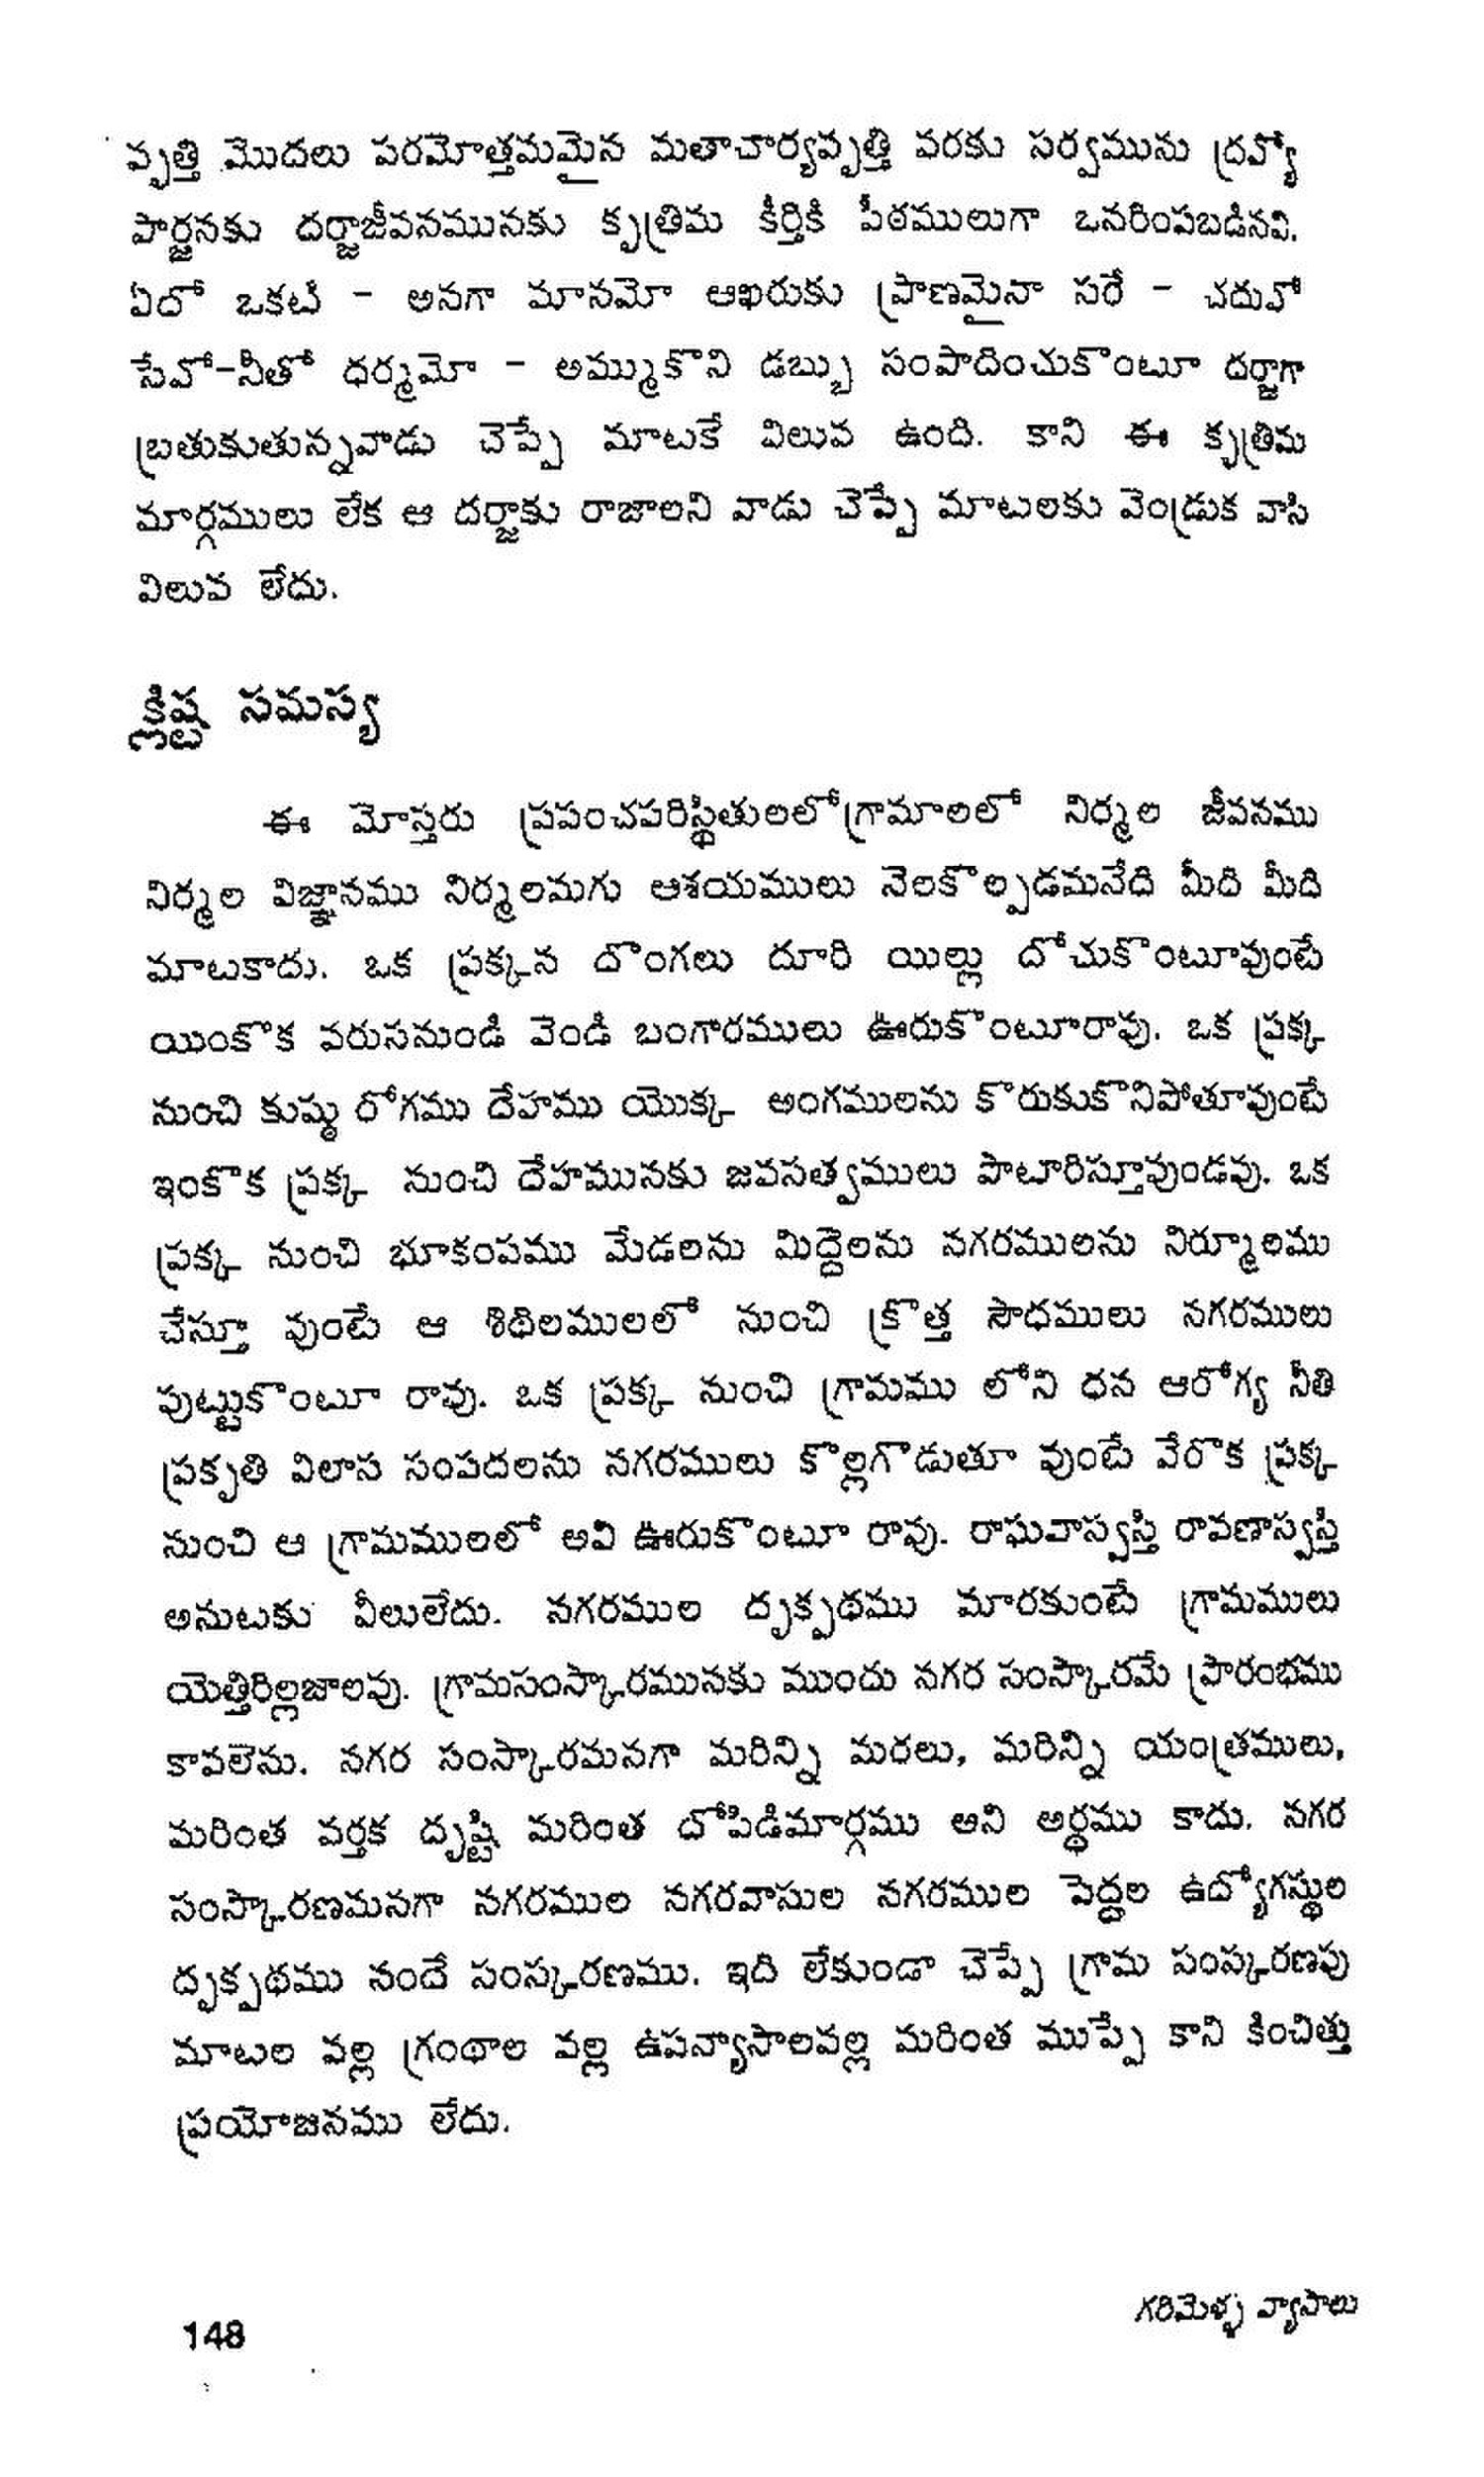వృత్తి మొదలు పరమోత్తమమైన మతాచార్యవృత్తి వరకు సర్వమును ద్రవ్యోపార్జనకు దర్జాజీవనమునకు కృత్రిమ కీర్తికి పీఠములుగా ఒనరింపబడినవి. ఏదో ఒకటి - అనగా మానమో ఆఖరుకు ప్రాణమైనా సరే - చదువో - సేవో - నీతో ధర్మమో - అమ్ముకొని డబ్బు సంపాదించుకొంటూ దర్జాగా బ్రతుకుతున్నవాడు చెప్పే మాటకే విలువ ఉంది. కాని ఈ కృత్రిమ మార్గములు లేక ఆ దర్జాకు రాజాలని వాడు చేప్పే మాటలకు వెండ్రుక వాసి విలువ లేదు.

క్లిష్ట సమస్య
 
ఈ మోస్తరు ప్రపంచపరిస్థితులలో గ్రామాలలో నిర్మల జీవము నిర్మల విజ్ఞానము నిర్మలమగు ఆశయములు నెలకొల్పడమనేది మీది మీది మాటకాదు. ఒక ప్రక్కన దొంగలు దూరి యిల్లు దోచుకుంటూవుంటే యింకొక వరుసనుండి వెండి బంగారములు ఊరుకొంటూరావు. ఒక ప్రక్క నుంచి కుష్ఠు రోగము దేహము యొక్క అంగములను కొరుకుకొనిపోతూవుంటే ఇంకొక ప్రక్క నుంచి భూకంపము మేడలను మిద్దెలను నగరములను నిర్మూలము చేస్తూ వుంటే ఆ శిథిలములలో నుంచి క్రొత్త సౌధములు నగరములు పుట్టుకొంటూ రావు. ఒక ప్రక్క నుంచి గ్రామము లోని ధన ఆరోగ్య నీతి ప్రకృతి విలాస సంపదలను నగరములు కొల్లగొడుతూ వుంటే వేరొక ప్రక్కనుంచి ఆ గ్రామములలో అవి ఊరుకొంటూ రావు. రాఘవాస్వస్తి రావణాస్వస్తి అనుటకు వీలులేదు. నగరముల దృక్పథము మారకుంటే గ్రామములు యెత్తిరిల్లజాలవు. గ్రామసంస్కారమునకు ముందు నగర సంస్కారమే ప్రారంభము కావలెను. నగర సంస్కారమనగా మరిన్ని మరలు, మరిన్ని యంత్రములు, మరింత వర్తక దృష్టి మరింత దోపిడిమార్గము అని అర్థము కాదు. నగర సంస్కారణమనగా నగరముల నగరవాసుల నగరముల పెద్దల ఉద్యోగస్థుల దృక్పథము నందే సంస్కరణము. ఇది లేకుండా చెప్పే గ్రామ సంస్కరణపు మాటల వల్ల గ్రంథాల వల్ల ఉపన్యాసాలవల్ల మరింత ముప్పే కాని కించిత్తు ప్రయోజనము లేదు.